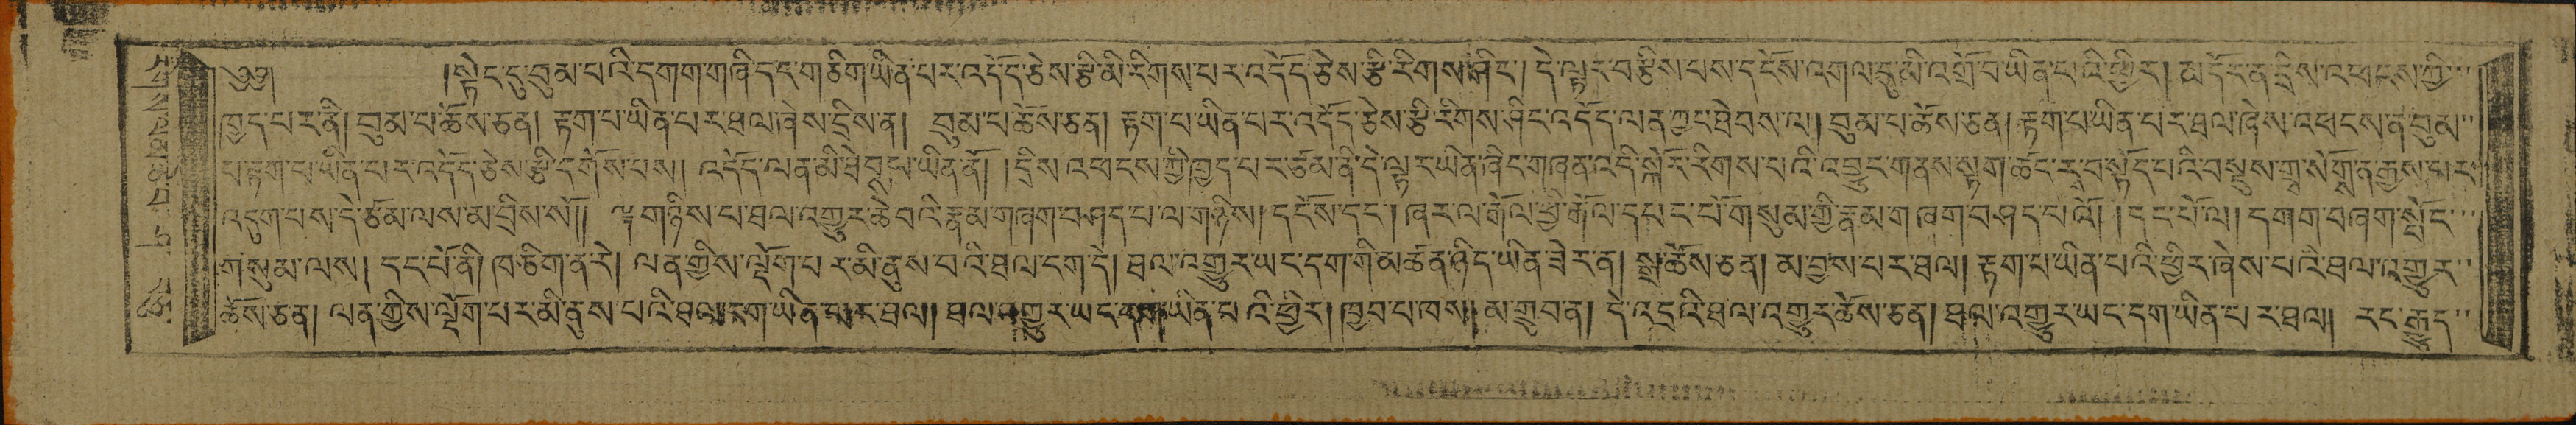༄༅། །སྟེང་དུ་བུམ་པའི་དགག་གཞི་དང་གཅིག་ཡིན་པར་འདོད་ཅེས་རྩི་མི་རིགས་པར་འདོད་ཅེས་རྩི་རིགས་ཤིང་། དེ་ལྟར་བརྩིས་པས་དངོས་འགལ་དུ་མི་འགྲོ་བ་ཡིན་པའི་ཕྱིར། མདོར་ན་དྲིས་འཕངས་ཀྱི་
ཁྱད་པར་ནི། བུམ་པ་ཆོས་ཅན། རྟག་པ་ཡིན་པར་ཐལ་ཞེས་དྲིས་ན། བུམ་པ་ཆོས་ཅན། རྟག་པ་ཡིན་པར་འདོད་ཅེས་རྩི་རིགས་ཤིང་འདོད་ལན་ཀྱང་ཐེབས་ལ། བུམ་པ་ཆོས་ཅན། རྟག་པ་ཡིན་པར་ཐལ་ཞེས་འཕངས་ན་བུམ་
པ་རྟག་པ་ཡིན་པར་འདོད་ཅེས་རྩི་དགོས་པས། འདོད་ལན་མི་ཐེབས་པ་ཡིན་ནོ། །དྲིས་འཕངས་ཀྱི་ཁྱད་པར་ཙམ་ནི་དེ་ལྟར་ཡིན་ཞིང་གཞན་འདི་སྐོར་རིགས་པའི་འབྱུང་གནས་སྟག་ཚང་རྭ་བསྟོད་པའི་བསྡུས་གྲྭ་སོགས་ན་རྒྱས་པར་
འདུག་པས་དེ་ཙམ་ལས་མ་བྲིས་སོ།། ༈ གཉིས་པ་ཐལ་འགྱུར་ཆེ་བའི་རྣམ་གཞག་བཤད་པ་ལ་གཉིས། དངོས་དང་། ཞར་ལ་རྒོལ་ཕྱི་རྒོལ་དཔང་པོ་གསུམ་གྱི་རྣམ་གཞག་བཤད་པའོ། །དང་པོ་ལ། དགག་བཞག་སྤོང་
གསུམ་ལས། དང་པོ་ནི། ཁ་ཅིག་ན་རེ། ལན་གྱིས་ལྡོག་པར་མི་ནུས་པའི་ཐལ་ངག་དེ། ཐལ་འགྱུར་ཡང་དག་གི་མཚན་ཉིད་ཡིན་ཟེར་ན། སྒྲ་ཆོས་ཅན། མ་བྱས་པར་ཐལ། རྟག་པ་ཡིན་པའི་ཕྱིར་ཞེས་པའི་ཐལ་འགྱུར་
ཆོས་ཅན། ལན་གྱིས་ལྡོག་པར་མི་ནུས་པའི་ཐལ་ངག་ཡིན་པར་ཐལ། ཐལ་འགྱུར་ཡང་དག་ཡིན་པའི་ཕྱིར། ཁྱབ་པ་ཁས། མ་གྲུབ་ན། དེ་འདྲའི་ཐལ་འགྱུར་ཆོས་ཅན། ཐལ་འགྱུར་ཡང་དག་ཡིན་པར་ཐལ། རང་རྒྱུད་